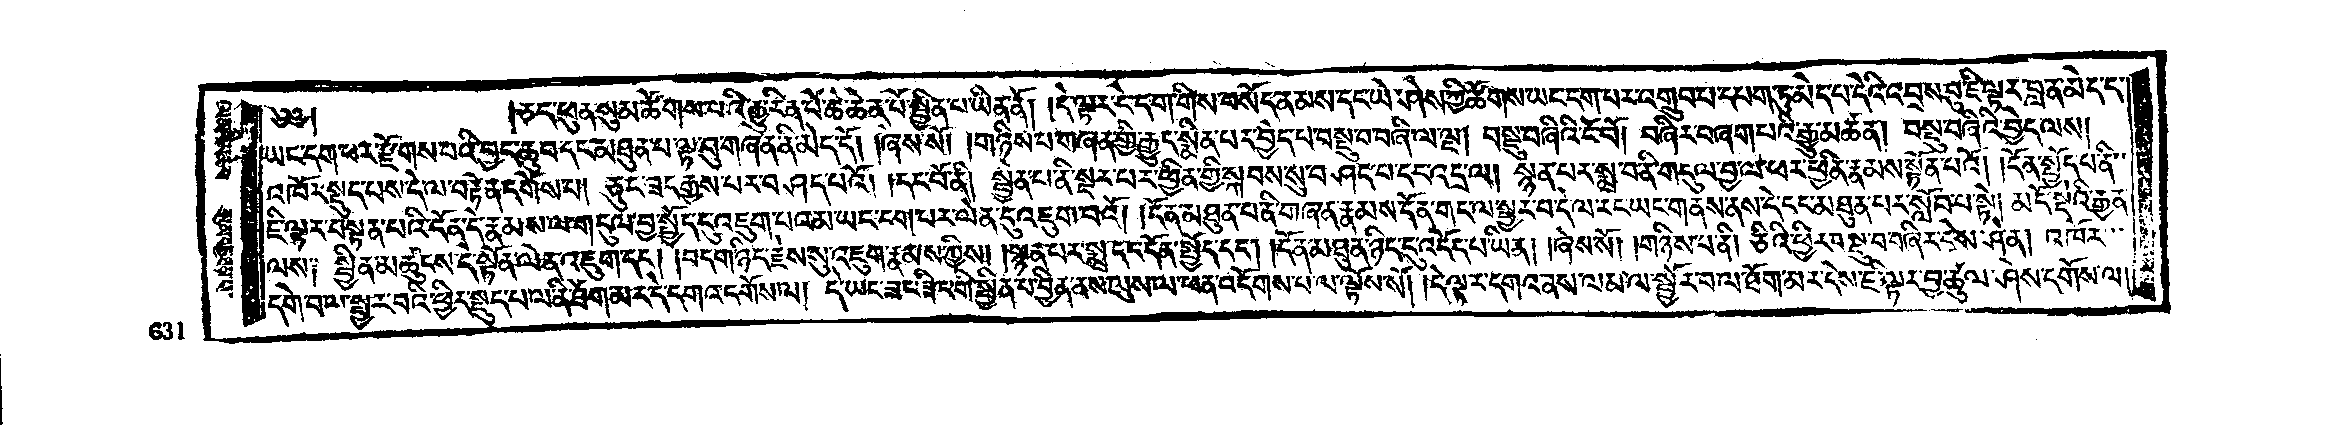༄༅། །ཅད་ཕུན་སུམ་ཚོགས་པའི་རྒྱུ་རིན་པོ་ཆེ་ཆེན་པོ་སྦྱིན་པ་ཡིན་ནོ། །དེ་ལྟར་དེ་དག་གིས་བསོད་ནམས་དང་ཡེ་ཤེས་ཀྱི་ཚོགས་ཡང་དག་པར་འགྲུབ་པ་དཔག་ཏུ་མེད་པ་དེའི་འབྲས་བུ་ཇི་ལྟར་བླ་ན་མེད་པ་
ཡང་དག་པར་རྫོགས་པའི་བྱང་ཆུབ་དང་མཐུན་པ་ལྟ་བུ་གཞན་ནི་མེད་དོ། །ཞེས་སོ། །གཉིས་པ་གཞན་གྱི་རྒྱུད་སྨིན་པར་བྱེད་པ་བསྡུ་བ་བཞི་ལ་ལྔ། བསྡུ་བཞིའི་ངོ་བོ། བཞིར་བཞག་པའི་རྒྱུ་མཚན། བསྡུ་བཞིའི་བྱེད་ལས།
འཁོར་སྡུད་པས་དེ་ལ་བརྟེན་དགོས་པ། ཅུང་ཟད་རྒྱས་པར་བཤད་པའོ། །དང་པོ་ནི། སྦྱིན་པ་ནི་སྔར་ཕར་ཕྱིན་གྱི་སྐབས་སུ་བཤད་པ་དང་འདྲ་ལ། སྙན་པར་སྨྲ་བ་ནི་གདུལ་བྱ་ལ་ཕར་ཕྱིན་རྣམས་སྟོན་པའོ། །དོན་སྤྱོད་པ་ནི་
ཇི་ལྟར་བསྟན་པའི་དོན་དེ་རྣམས་ལ་གདུལ་བྱ་སྤྱོད་དུ་འཇུག་པའམ་ཡང་དག་པར་ལེན་དུ་འཇུག་པའོ། །དོན་མཐུན་པ་ནི་གཞན་རྣམས་དོན་གང་ལ་སྦྱར་བ་དེ་ལ་རང་ཡང་གནས་ནས་དེ་དང་མཐུན་པར་སློབ་པ་སྟེ། མདོ་སྡེའི་རྒྱན་
ལས༑ སྦྱིན་མཚུངས་དེ་སྟོན་ལེན་འཇུག་དང་། །བདག་ཉིད་རྗེས་སུ་འཇུག་རྣམས་ཀྱིས། །སྙན་པར་སྨྲ་དང་དོན་སྤྱོད་དང་། །དོན་མཐུན་ཉིད་དུ་འདོད་པ་ཡིན། །ཞེས་སོ། །གཉིས་པ་ནི། ཅིའི་ཕྱིར་བསྡུ་བ་བཞིར་ངེས་ཤེ་ན། འཁོར་
དགེ་བ་ལ་སྦྱར་བའི་ཕྱིར་སྡུད་པ་ལ་ནི་ཐོག་མར་དེ་དགའ་དགོས་ལ། དེ་ཡང་ཟང་ཟིང་གི་སྦྱིན་པ་བྱིན་ནས་ལུས་ལ་ཕན་འདོགས་པ་ལ་ལྟོས་སོ། །དེ་ལྟར་དགའ་ནས་ལམ་ལ་སྦྱོར་བ་ལ་ཐོག་མར་དེས་ཇི་ལྟར་བྱ་ཚུལ་ཤེས་དགོས་ལ།